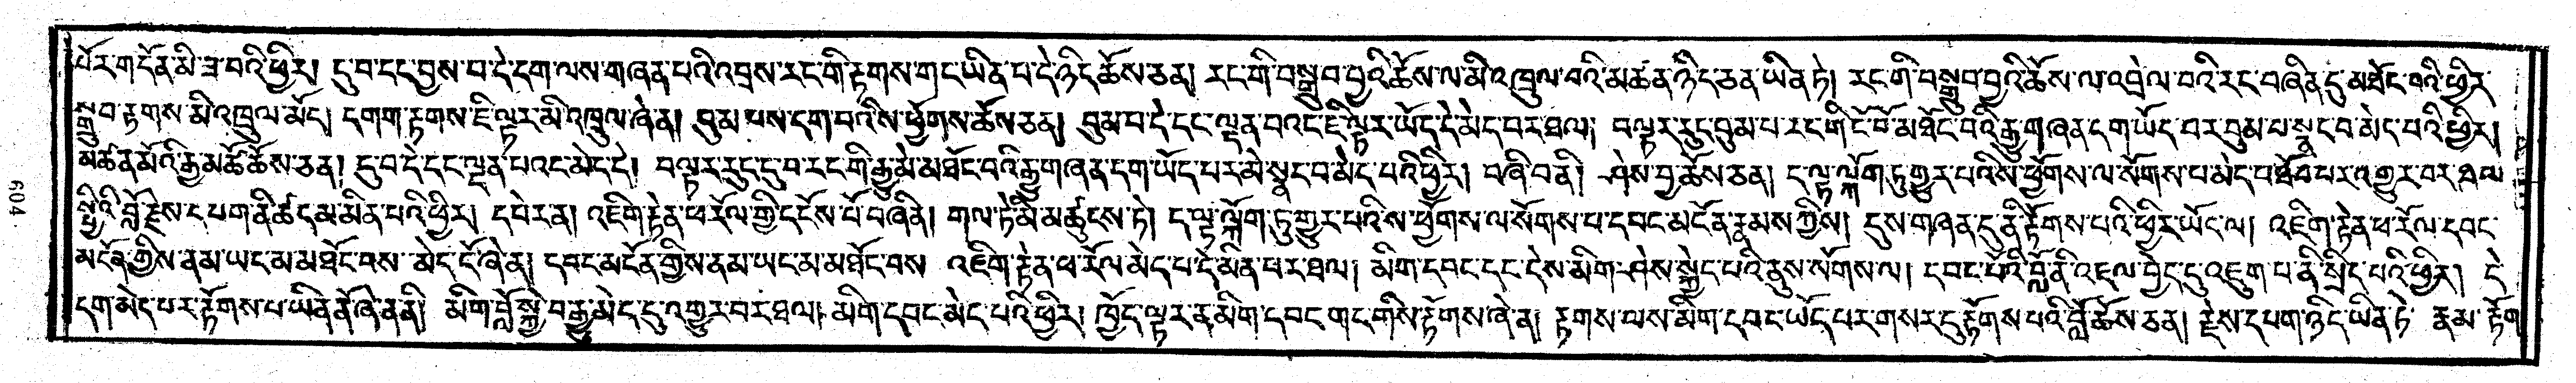པོར་གདོན་མི་ཟ་བའི་ཕྱིར། དུ་བ་དང་བྱས་པ་དེ་དག་ལས་གཞན་པའི་འབྲས་རང་གི་རྟགས་གང་ཡིན་པ་དེ་ཉིད་ཆོས་ཅན། རང་གི་བསྒྲུབ་བྱའི་ཆོས་ལ་མི་འཁྲུལ་བའི་མཚན་ཉིད་ཅན་ཡིན་ཏེ། རང་གི་བསྒྲུབ་བྱའི་ཆོས་ལ་འབྲེལ་བའི་རང་བཞིན་དུ་མཐོང་བའི་ཕྱིར་
སྒྲུབ་རྟགས་མི་འཁྲུལ་མོད། དགག་རྟགས་ཇི་ལྟར་མི་འཁྲུལ་ཞེ་ན། བུམ་པས་དག་པའི་ས་ཕྱོགས་ཆོས་ཅན། བུམ་པ་དེ་དང་ལྡན་བའང་ཇི་ལྟར་ཡོད་དེ་མེད་བར་ཐལ། བལྟར་རུང་བུམ་པ་རང་གི་ངོ་བོ་མཐོང་བའི་རྒྱུ་གཞན་དག་ཡོད་པར་བུམ་པ་སྣང་བ་མེད་པའི་ཕྱིར།
མཚན་མོའི་རྒྱ་མཚོ་ཆོས་ཅན། དུ་བ་དེ་དང་ལྡན་པའང་མེད་དེ། བལྟར་རུང་དུ་བ་རང་གི་རྒྱུ་མེ་མཐོང་བའི་རྒྱུ་གཞན་དག་ཡོད་པར་མེ་སྣང་བ་མེད་པའི་ཕྱིར། བཞི་པ་ནི། ཤེས་བྱ་ཆོས་ཅན། ད་ལྟ་ལྐོག་ཏུ་གྱུར་པའི་ས་ཕྱོགས་ལ་སོགས་པ་མེད་པ་ཐོབ་པར་འགྱུར་བར་ཐལ་
སྤྱིའི་བློ་རྗེས་དཔག་ནི་ཚད་མ་མིན་པའི་ཕྱིར། དཔེར་ན། འཇིག་རྟེན་ཕ་རོལ་གྱི་དངོས་པོ་བཞིན། གལ་ཏེ་མི་མཚུངས་ཏེ། ད་ལྟ་ལྐོག་ཏུ་གྱུར་པའི་ས་ཕྱོགས་ལ་སོགས་པ་དབང་མངོན་རྣམས་ཀྱིས། དུས་གཞན་དུ་ནི་རྟོགས་པའི་ཕྱིར་ཡོད་ལ། འཇིག་རྟེན་ཕ་རོལ་དབང་
མངོན་གྱིས་ནམ་ཡང་མ་མཐོང་བས་མེད་དོ་ཞེ་ན། དབང་མངོན་གྱིས་ནམ་ཡང་མ་མཐོང་བས་འཇིག་རྟེན་ཕ་རོལ་མེད་པ་དེ་མིན་པར་ཐལ། མིག་དབང་དང་དེས་མིག་ཤེས་སྐྱེད་པའི་ནུས་སོགས་ལ། དབང་པོའི་བློ་ནི་འཇལ་བྱེད་དུ་འཇུག་པ་ནི་སྲིད་པའི་ཕྱིར། དེ་
དག་མེད་པར་རྟོགས་པ་ཡིན་ནོ་ཞེ་ན་ནི། མིག་བློ་སྐྱེ་བ་རྒྱུ་མེད་དུ་འགྱུར་བར་ཐལ། མིག་དབང་མེད་པའི་ཕྱིར། ཁྱོད་ལྟར་ན་མིག་དབང་གང་གིས་རྟོགས་ཞེ་ན། རྟགས་ལས་མིག་དབང་ཡོད་པར་གསར་དུ་རྟོགས་པའི་བློ་ཆོས་ཅན། རྗེས་དཔག་ཉིད་ཡིན་ཏེ། རྣམ་རྟོག་